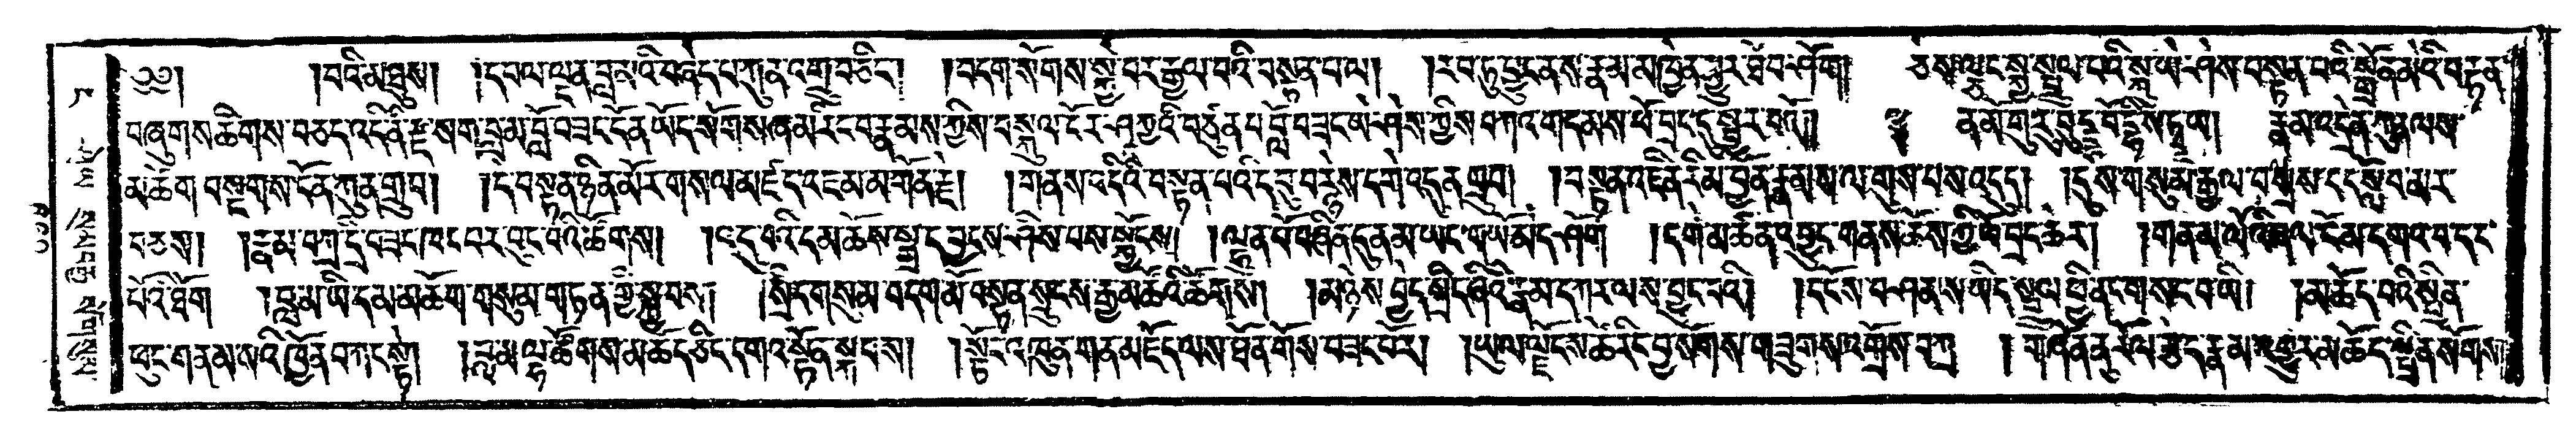༄༅། །བའི་མཐུས། །དཔལ་ལྡན་བླ་མའི་བཞེད་པ་ཀུན་འགྲུབ་ཅིང་། །བདག་སོགས་སྐྱེ་བར་རྒྱལ་བའི་བསྟན་པ་ལ། །རབ་ཏུ་བྱུང་ནས་རྣམ་མཁྱེན་མྱུར་ཐོབ་ཤོག། ཅེས་ལྕང་སྐྱ་སྤྲུལ་པའི་སྐུ་ཡེ་ཤེས་བསྟན་པའི་སྒྲོན་མེའི་བརྟན་
བཞུགས་ཆིགས་བཅད་འདི་ནི་རྫ་སག་བླ་མ་བློ་བཟང་དོན་ཡོད་སོགས་ཞམ་རིང་བ་རྣམས་ཀྱིས་བསྐུལ་ངོར་ཤཱཀྱའི་བཙུན་པ་བློ་བཟང་ཡེ་ཤེས་ཀྱིས་བཀའ་གདམས་ཕོ་བྲང་དུ་སྦྱར་བའོ།། ༈ ན་མོ་གུ་རུ་བུདྡྷ་བོ་དྷི་སཏྭཱ་ཡ། རྣམ་འདྲེན་ཀུན་ལས་
མཆོག་བསྔགས་དོན་ཀུན་གྲུབ། །དེ་བསྟན་ཉིན་མོར་གསལ་མཛད་འཇམ་མགོན་རྗེ། །གནས་འདིའི་བསྟན་པའི་དབུ་བརྙེས་དགེ་འདུན་གྲུབ། །བསྟན་འཛིན་རིམ་བྱོན་རྣམས་ལ་གུས་པས་འདུད། །དུས་གསུམ་རྒྱལ་བསྲས་དང་སློབ་མར་
བཅས། །རྣམ་བཀྲ་དྲི་བཟང་ཁང་བར་བུང་བའི་ཚོགས། །འདུ་བའི་དམ་ཆོས་སྒྲ་དབྱངས་ཤིས་པས་སྐྱོངས། །ལྷུན་པོ་བཞིན་དུ་ནམ་ཡང་གཡོ་མེད་ཤོག །དགེ་མཚན་འབྱུང་གནས་ཆོས་ཀྱི་ཕོ་བྲང་ཆེར། །གནམ་ལོའི་ཞལ་ངོམ་དགའ་བ་དང་
པོའི་ཐོག །བླ་མ་ཡི་དམ་མཆོག་གསུམ་གཏན་གྱི་སྐྱབས། །སྲིད་གསུམ་བདག་མོ་བསྟན་སྲུངས་རྒྱ་མཚོའི་ཚོགས། །མཉེས་བྱེད་སྲིད་ཞིའི་རྣམ་དཀར་ལས་བྱུང་བའི། །དངོས་བཤམས་ཡིད་སྤྲུལ་ཕྱི་ནང་གསང་བ་ཡི། །མཆོད་བའི་སྤྲིན་
ཕུང་གནམ་སའི་ཁྱོན་བཀང་སྟེ། །བླ་མ་ལྷ་ཚོགས་མཆོད་ཅིང་དགའ་སྟོན་སྐབས། །སྟོང་འཁུན་གན་མཇོད་ལས་ཐོན་གོས་བཟང་པོར། །ཡུལ་ལྗོངས་ཚེ་རིང་བྱ་སོགས་གཟུགས་འགྲོས་བཀྲ་།གཞོན་ནུ་རོལ་རྩེད་རྣམ་འགྱུར་མཆོད་སྤྲིན་སོགས།